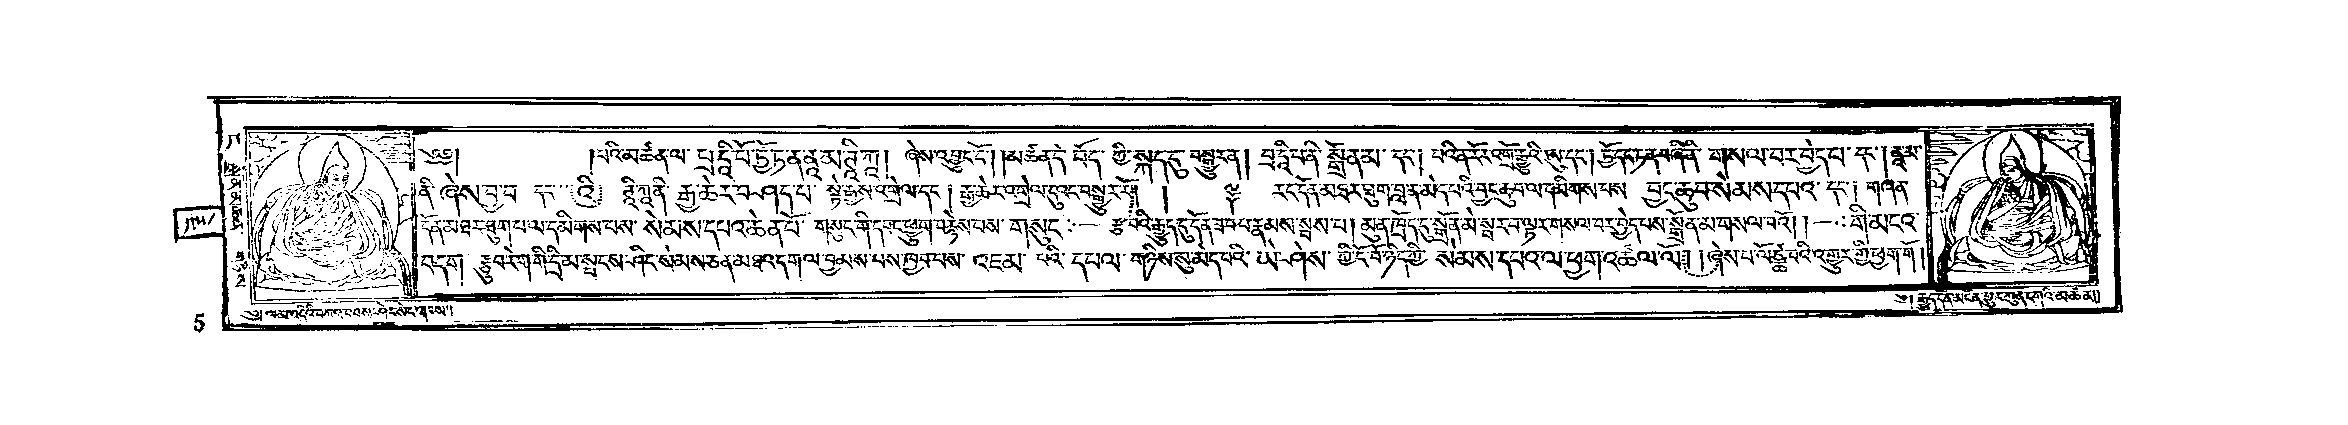༄༅། །པའི་མཚན་ལ་པྲདཱི་པོ་ཏྱོ་ཏ་ན་ནཱ་མ་ཊཱི་ཀཱ། ཞེས་འབྱུང་ངོ། །མཚན་དེ་བོད་ཀྱི་སྐད་དུ་བསྒྱུར་ན། པྲདཱི་པ་ནི་སྒྲོན་མ་དང་། བའི་ན་རོར་འགྲོ་རྒྱུའི་ཨུ་དང་། ཏྱོ་དང་ཏ་ན་བཞི་ནི་གསལ་བར་བྱེད་པ་དང་། ནཱ་མ་
ནི་ཞེས་བྱ་བ་དང་འི་ཊཱི་ཀཱ་ནི་རྒྱ་ཆེར་བཤད་པ་སྟེ་རྒྱས་འགྲེལ་དང་། རྒྱ་ཆེར་འགྲེལ་དུའང་བསྒྱུར་རོ།། ༈ རང་དོན་མཐར་ཐུག་བླ་ན་མེད་པའི་བྱང་ཆུབ་ལ་དམིགས་པས་བྱང་ཆུབ་སེམས་དཔའ་དང་། གཞན་
དོན་མཐར་ཐུག་པ་ལ་དམིགས་པས་སེམས་དཔའ་ཆེན་པོ་གསུང་གི་དབང་ཕྱུག་བརྙེས་པས་གསུངཿ་རྩ་བའི་རྒྱུད་དུ་དོན་ཟབ་པ་རྣམས་སྦས་པ། མུན་ཁྲོད་དུ་སྒྲོན་མེ་སྦར་བ་ལྟར་གསལ་བར་བྱེད་པས་སྒྲོན་མ་གསལ་བའོ། །  .Hགི་མངའ་
བདག་རྩུབ་རེག་གི་དྲི་མ་སྤངས་ཤིང་སེམས་ཅན་མཐའ་དག་ལ་བྱམས་པས་ཁྱབ་པས་འཇམ་པའི་དཔལ་གཉིས་སུ་མེད་པའི་ཡེ་ཤེས་ཀྱི་ངོ་བོ་ཉིད་ཀྱི་སེམས་དཔའ་ལ་ཕྱག་འཚལ་ལོ། ། ཞེས་པ་ལོཙྪ་བའི་འགྱུར་གྱི་ཕྱག་གོ །